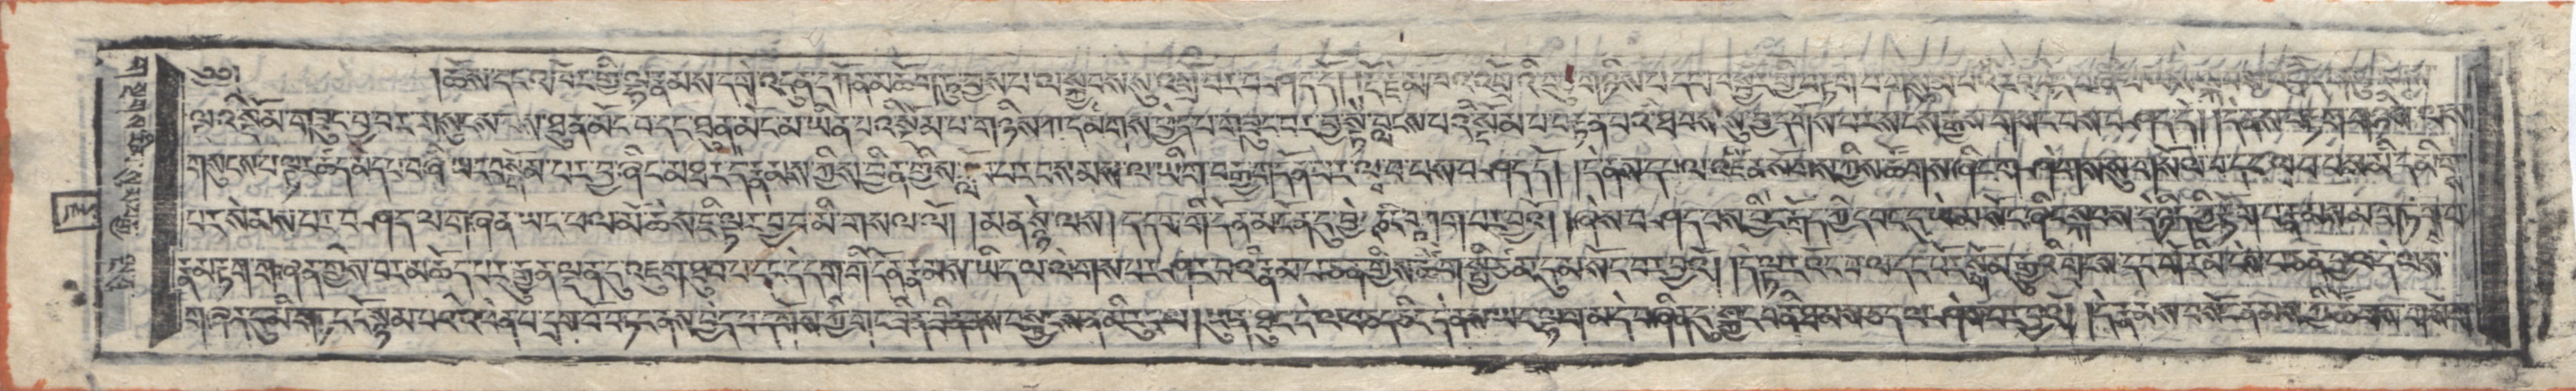༄༅། །ཆོས་དང་འཁོར་གྱི་ལྷ་རྣམས་དགེ་འདུན་དཀོན་མཆོག་ཏུ་བྱས་པ་ལ་སྐྱབས་སུ་འགྲོ་བར་བཤད་དོ། །རྡོ་རྗེ་མཁའ་འགྲོའི་བཅུ་གཉིས་པ་དང་ཁ་སྦྱོར་གྱི་བརྟག་པ་གསུམ་པའི་རབ་བྱེད་བཞི་པ་ལས་སྐབས་འདི་དག་ཏུ་རིགས་
ལྔའི་སྡོམ་གཟུང་བྱ་བར་གསུངས་པས་ཐུན་མོང་བ་དང་ཐུན་མོང་མ་ཡིན་པའི་སྡོམ་པ་གཉིས་ཀ་དམིགས་ཕྱེད་པ་གཟུང་བར་བྱ་སྟེ་བླངས་པའི་སྡོམ་པ་བརྟན་པའི་ཐབས་སུ་བྱ་དགོས་པར་སངས་རྒྱས་གསང་བས་བཤད་དོ། །དེ་ནས་བརྟག་གཉིས་ལས་
གསུངས་པ་ལྟར་ཚད་མེད་པ་བཞི་ཡང་བསྒོམ་པར་བྱ་ཞིང་མཐར་དེ་རྣམས་ཀྱིས་བྱིན་གྱིས་རློབ་པར་བསམས་ལ་ཡིག་བརྒྱ་གདོན་པར་ལྭ་བ་པས་བཤད་དོ། །དེ་ནས་དཔལ་འཛིན་སོགས་ཀྱིས་ཚོགས་ཞིང་གཤེགས་སུ་གསོལ་བ་དང་ལྭ་བ་པས་མི་དམིགས་
པར་སེམས་པར་བཤད་ལ་གཞན་ཡང་ཕལ་མོ་ཆེས་ཇི་ལྟར་བྱ་བ་མི་གསལ་ལོ། །མན་སྙེ་ལས། དེ་དག་གི་དོན་མངོན་དུ་བྱེད་ཅིང་བཀླག་པར་བྱའོ། །ཞེས་བཤད་པས་བྱིང་རྒོད་ཀྱི་དབང་དུ་ཡེ་མ་སོང་ཞིང་སྐབས་དེ་ཉིད་ཀྱི་རྟོག་པ་རྣམས་མ་གཏོགས་པ་
རྣམ་རྟག་གཞན་གྱིས་བར་མཆོད་པར་རྒྱུན་ལྡན་དུ་འཇུག་ཐུབ་པ་དང་དེ་དག་གི་དོན་རྣམས་ཡིད་ལ་ལེགས་པར་ཤར་བའི་རྣམ་པ་ཅན་གྱིས་ཚིག་སྤྱི་ཙམ་དུ་མ་སོང་བར་བྱའོ། །དེ་ལྟར་འོང་བ་ལ་དང་པོར་སྒོམ་རྒྱུའི་གྲངས་དང་གོ་རིམ་ངེས་པ་ཅན་བྱ་ལ་དེ་ལས་
གཞན་དུ་མི་གཏང་ངོ་སྙམ་པའི་འཕེན་པ་དྲག་པོ་བཏང་ནས་བྱེད་པ་དགོས་ཀྱི་གང་ཟིན་ཟིན་ནས་བསྐྱངས་ན་མི་རུང་ལ། ཡུན་ཐུང་དེ་ལ་བཅད་ཅིང་དེ་ནས་ཡང་ལྷག་མ་དེ་བཞིན་དུ་སྐྱང་བ་ནི་ཐམས་ཅད་ལ་ཤེས་པར་བྱའོ། །དེ་རྣམས་བསོད་ནམས་ཀྱི་ཚོགས་གསོག་